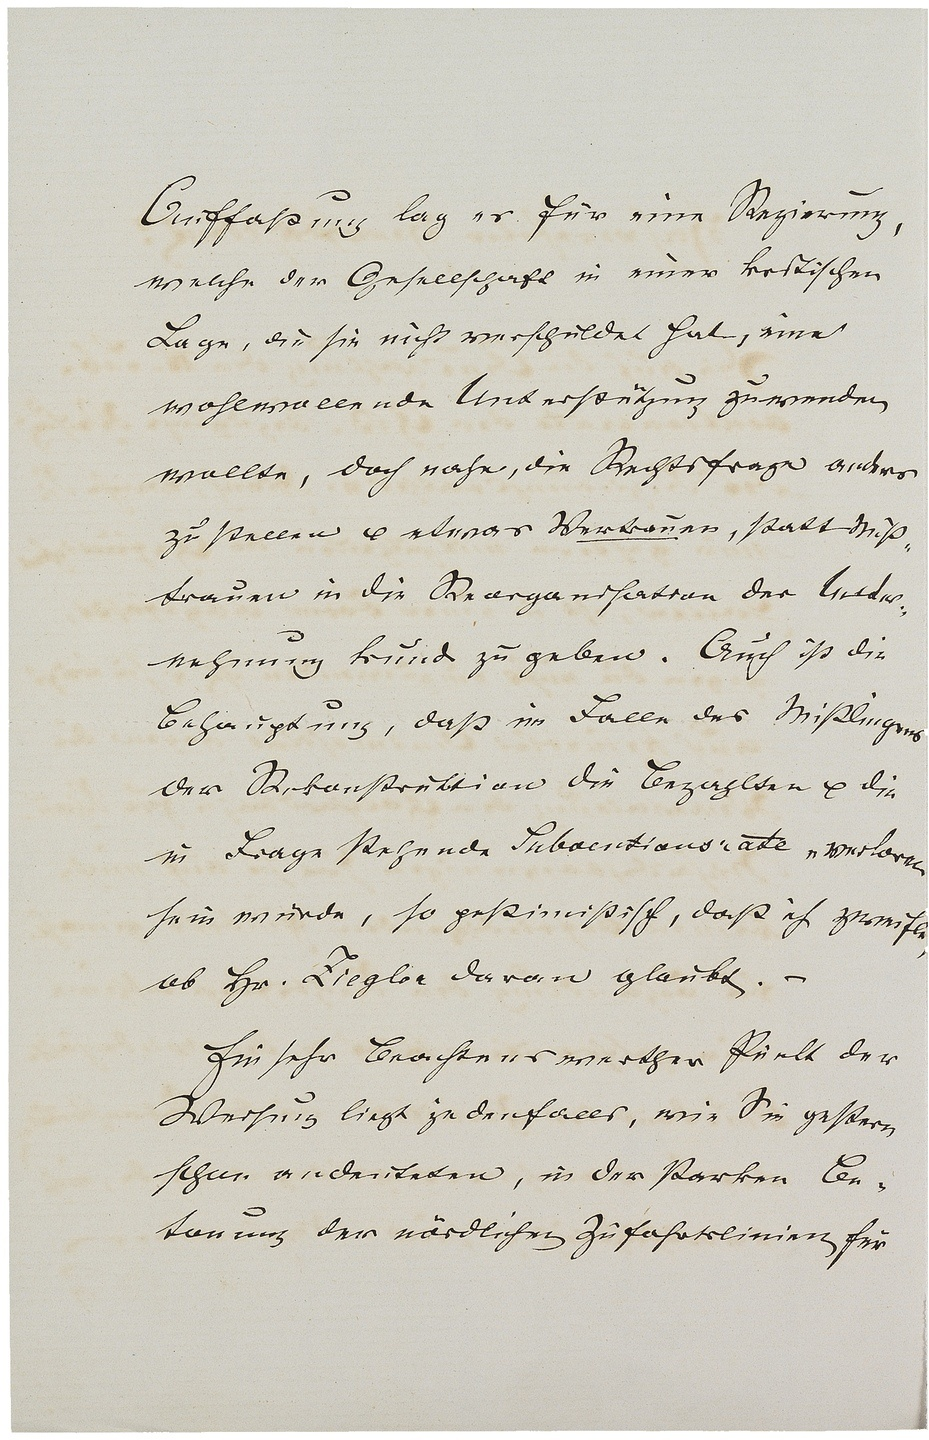Auffaßung lag es für eine Regierung,
welche der Gesellschaft in einer kritischen
Lage, die sie nicht verschuldet hat, eine
wohlwollende Unterstützung zuwenden
wollte, doch nahe, die Rechtsfrage anders
zu stellen & etwas Vertrauen, statt Miß-
trauen in die Reorganisation der Unter-
nehmung kund zu geben. Auch ist die
Behauptung, daß im Falle des Mißlingens
der Rekonstruktion die bezahlten & die
in Frage stehende Subventionsrate «verloren»
sein würde, so peßimistisch, daß ich zweifle,
ob Hr. Ziegler daran glaubt. –
Ein sehr beachtenswerther Punkt der
Weisung liegt jedenfalls, wie Sie gestern
schon andeuteten, in der starken Be-
tonung der nördlichen Zufahrtslinien für